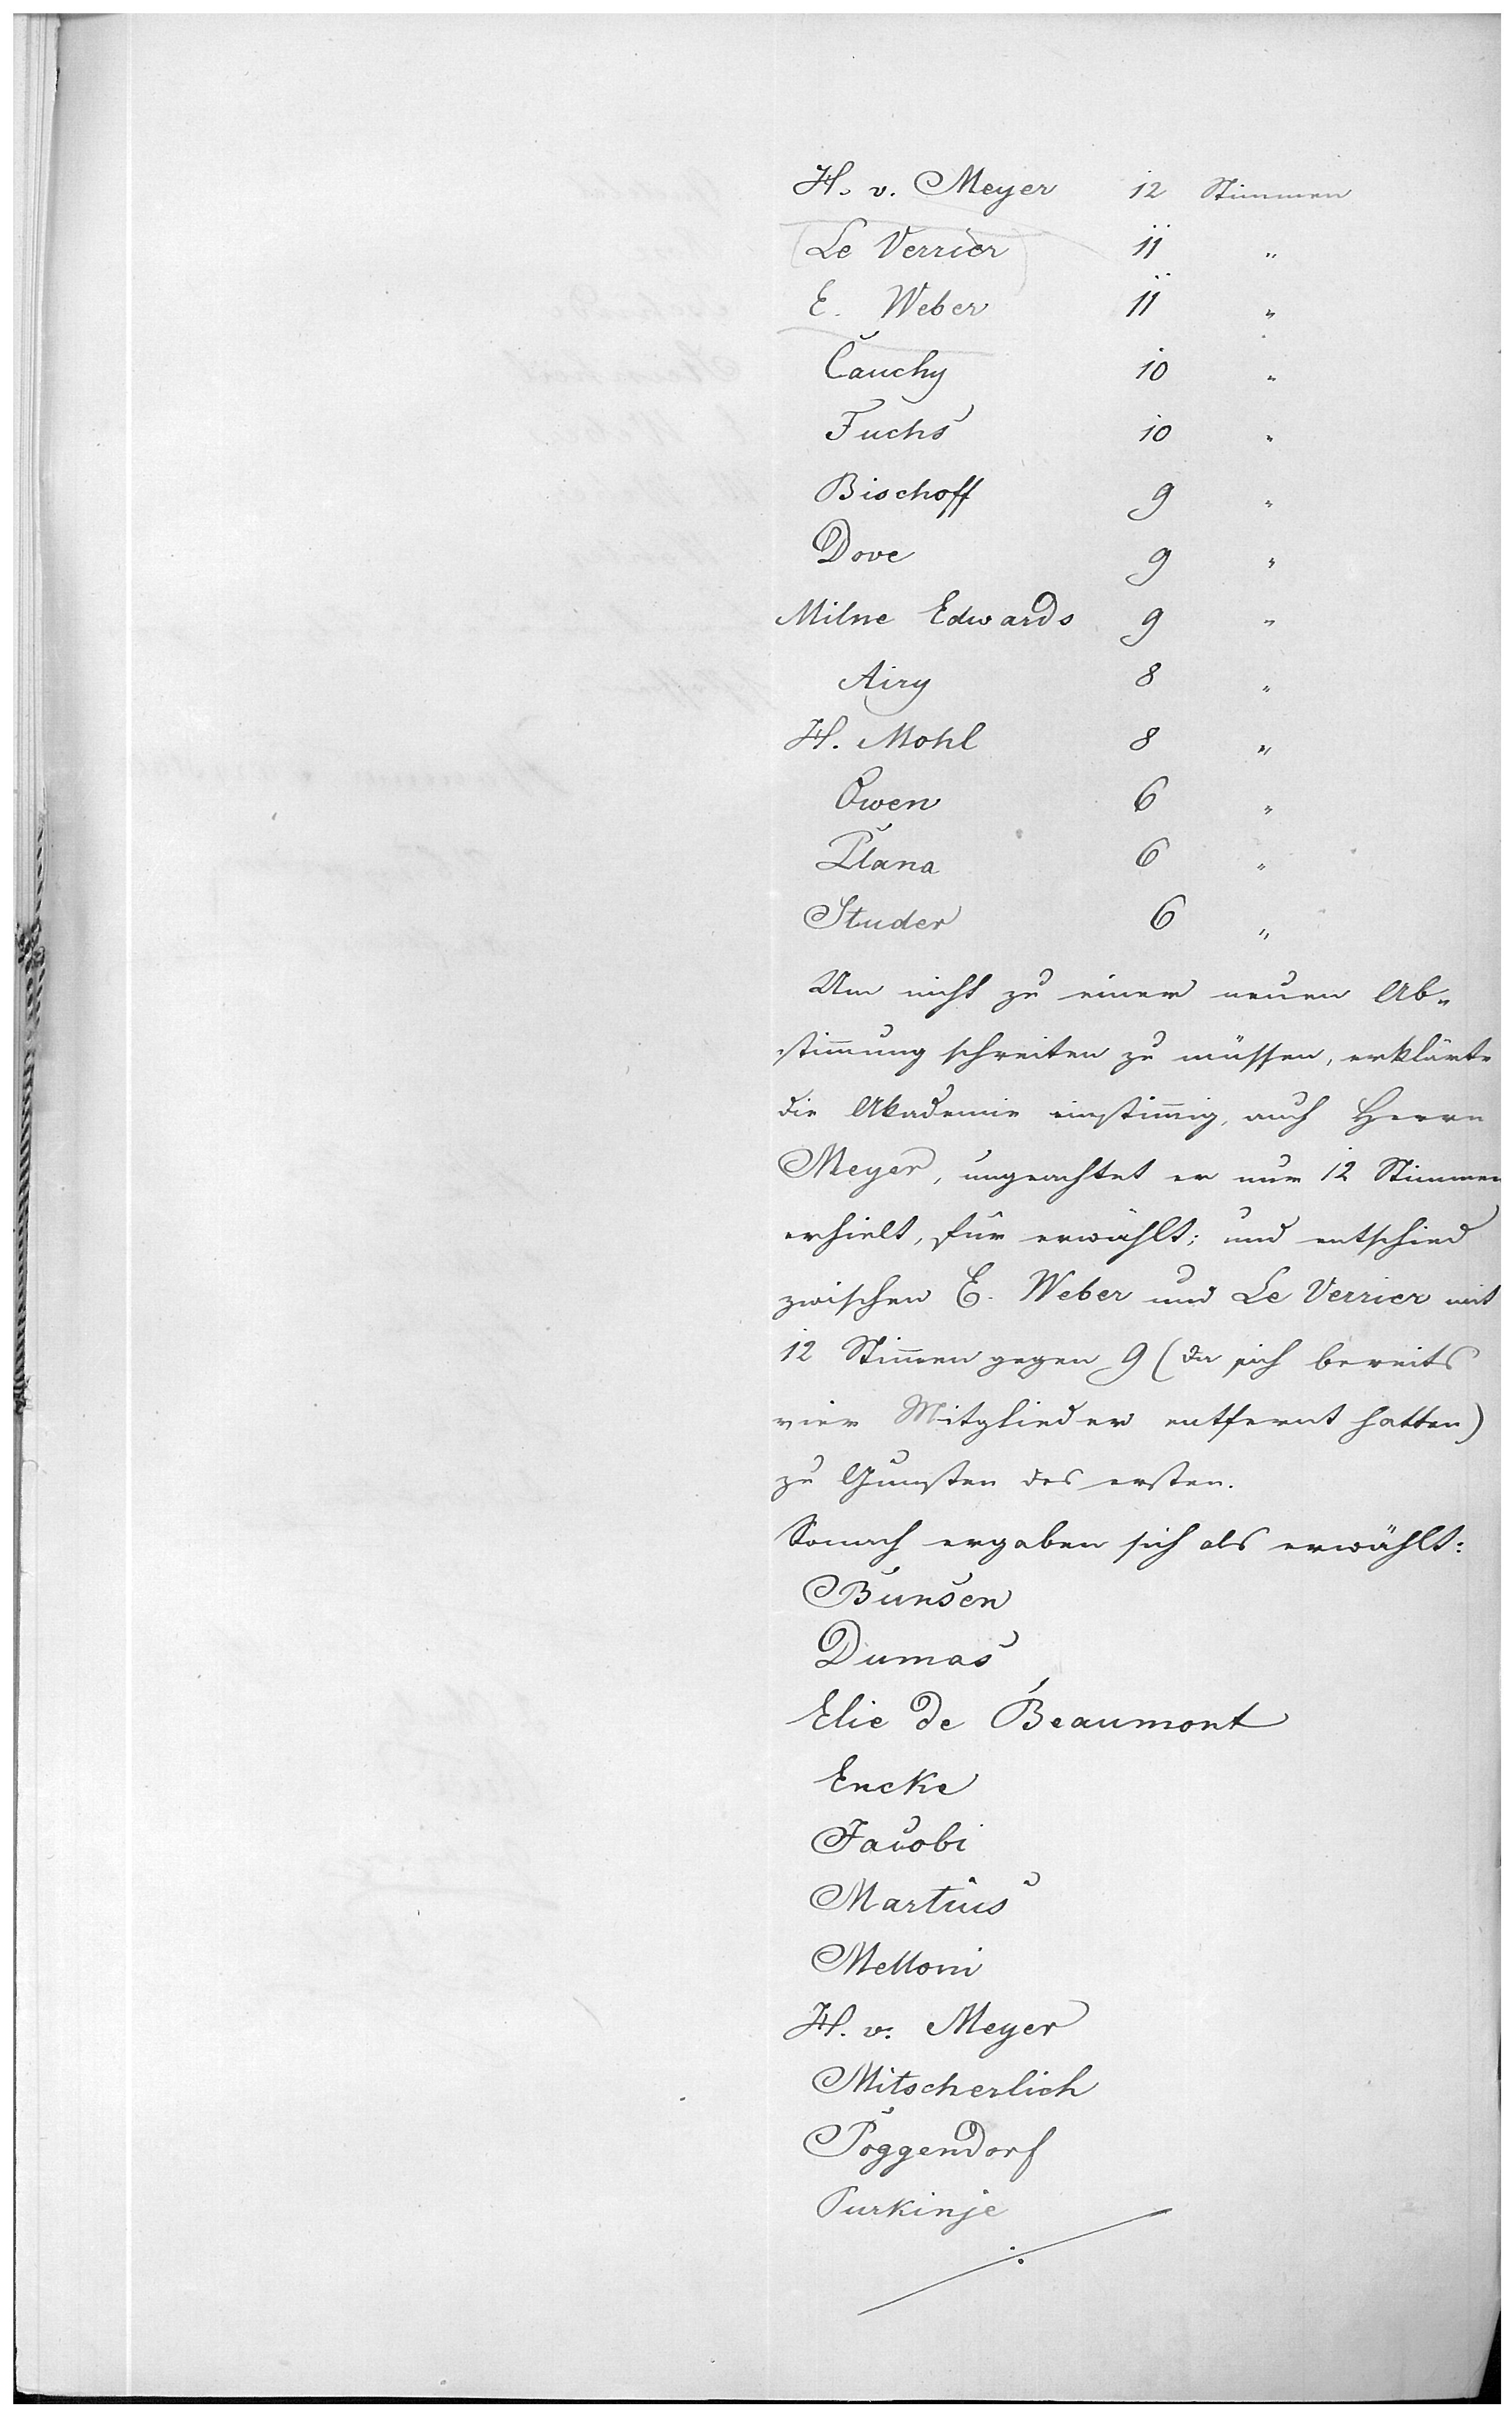H. v. Meyer 12 Stimmen
Le Verrier 11 "
E. Weber 11 "
Cauchy 10 "
Fuchs 10 "
Bischoff 9 "
Dove 9 "
Milne Edwards 9 "
Airy 8 "
H. Mohl 8 "
Owen 6 "
Plana 6 "
Studer 6 "
Bunsen
Dumas
Elie de Beaumont
Encke
Jacobi
Martius
Melloni
H. v. Meyer
Mitscherlich
Poggendorf
Purkinje
Um nicht zu einer neuen Ab-
Stimmung schreiten zu müssen, erklärte
die Akademie einstimmig, auch Herrn
Meyer, ungeachtet er nur 12 Stimmen
erhielt, für erwählt; und entschied
zwischen E. Weber und Le Verrier mit
12 Stimmen gegen 9 (da sich bereits
vier Mitglieder entfernt hatten)
zu Gunsten des ersten.
Sonach ergaben sich als erwählt: